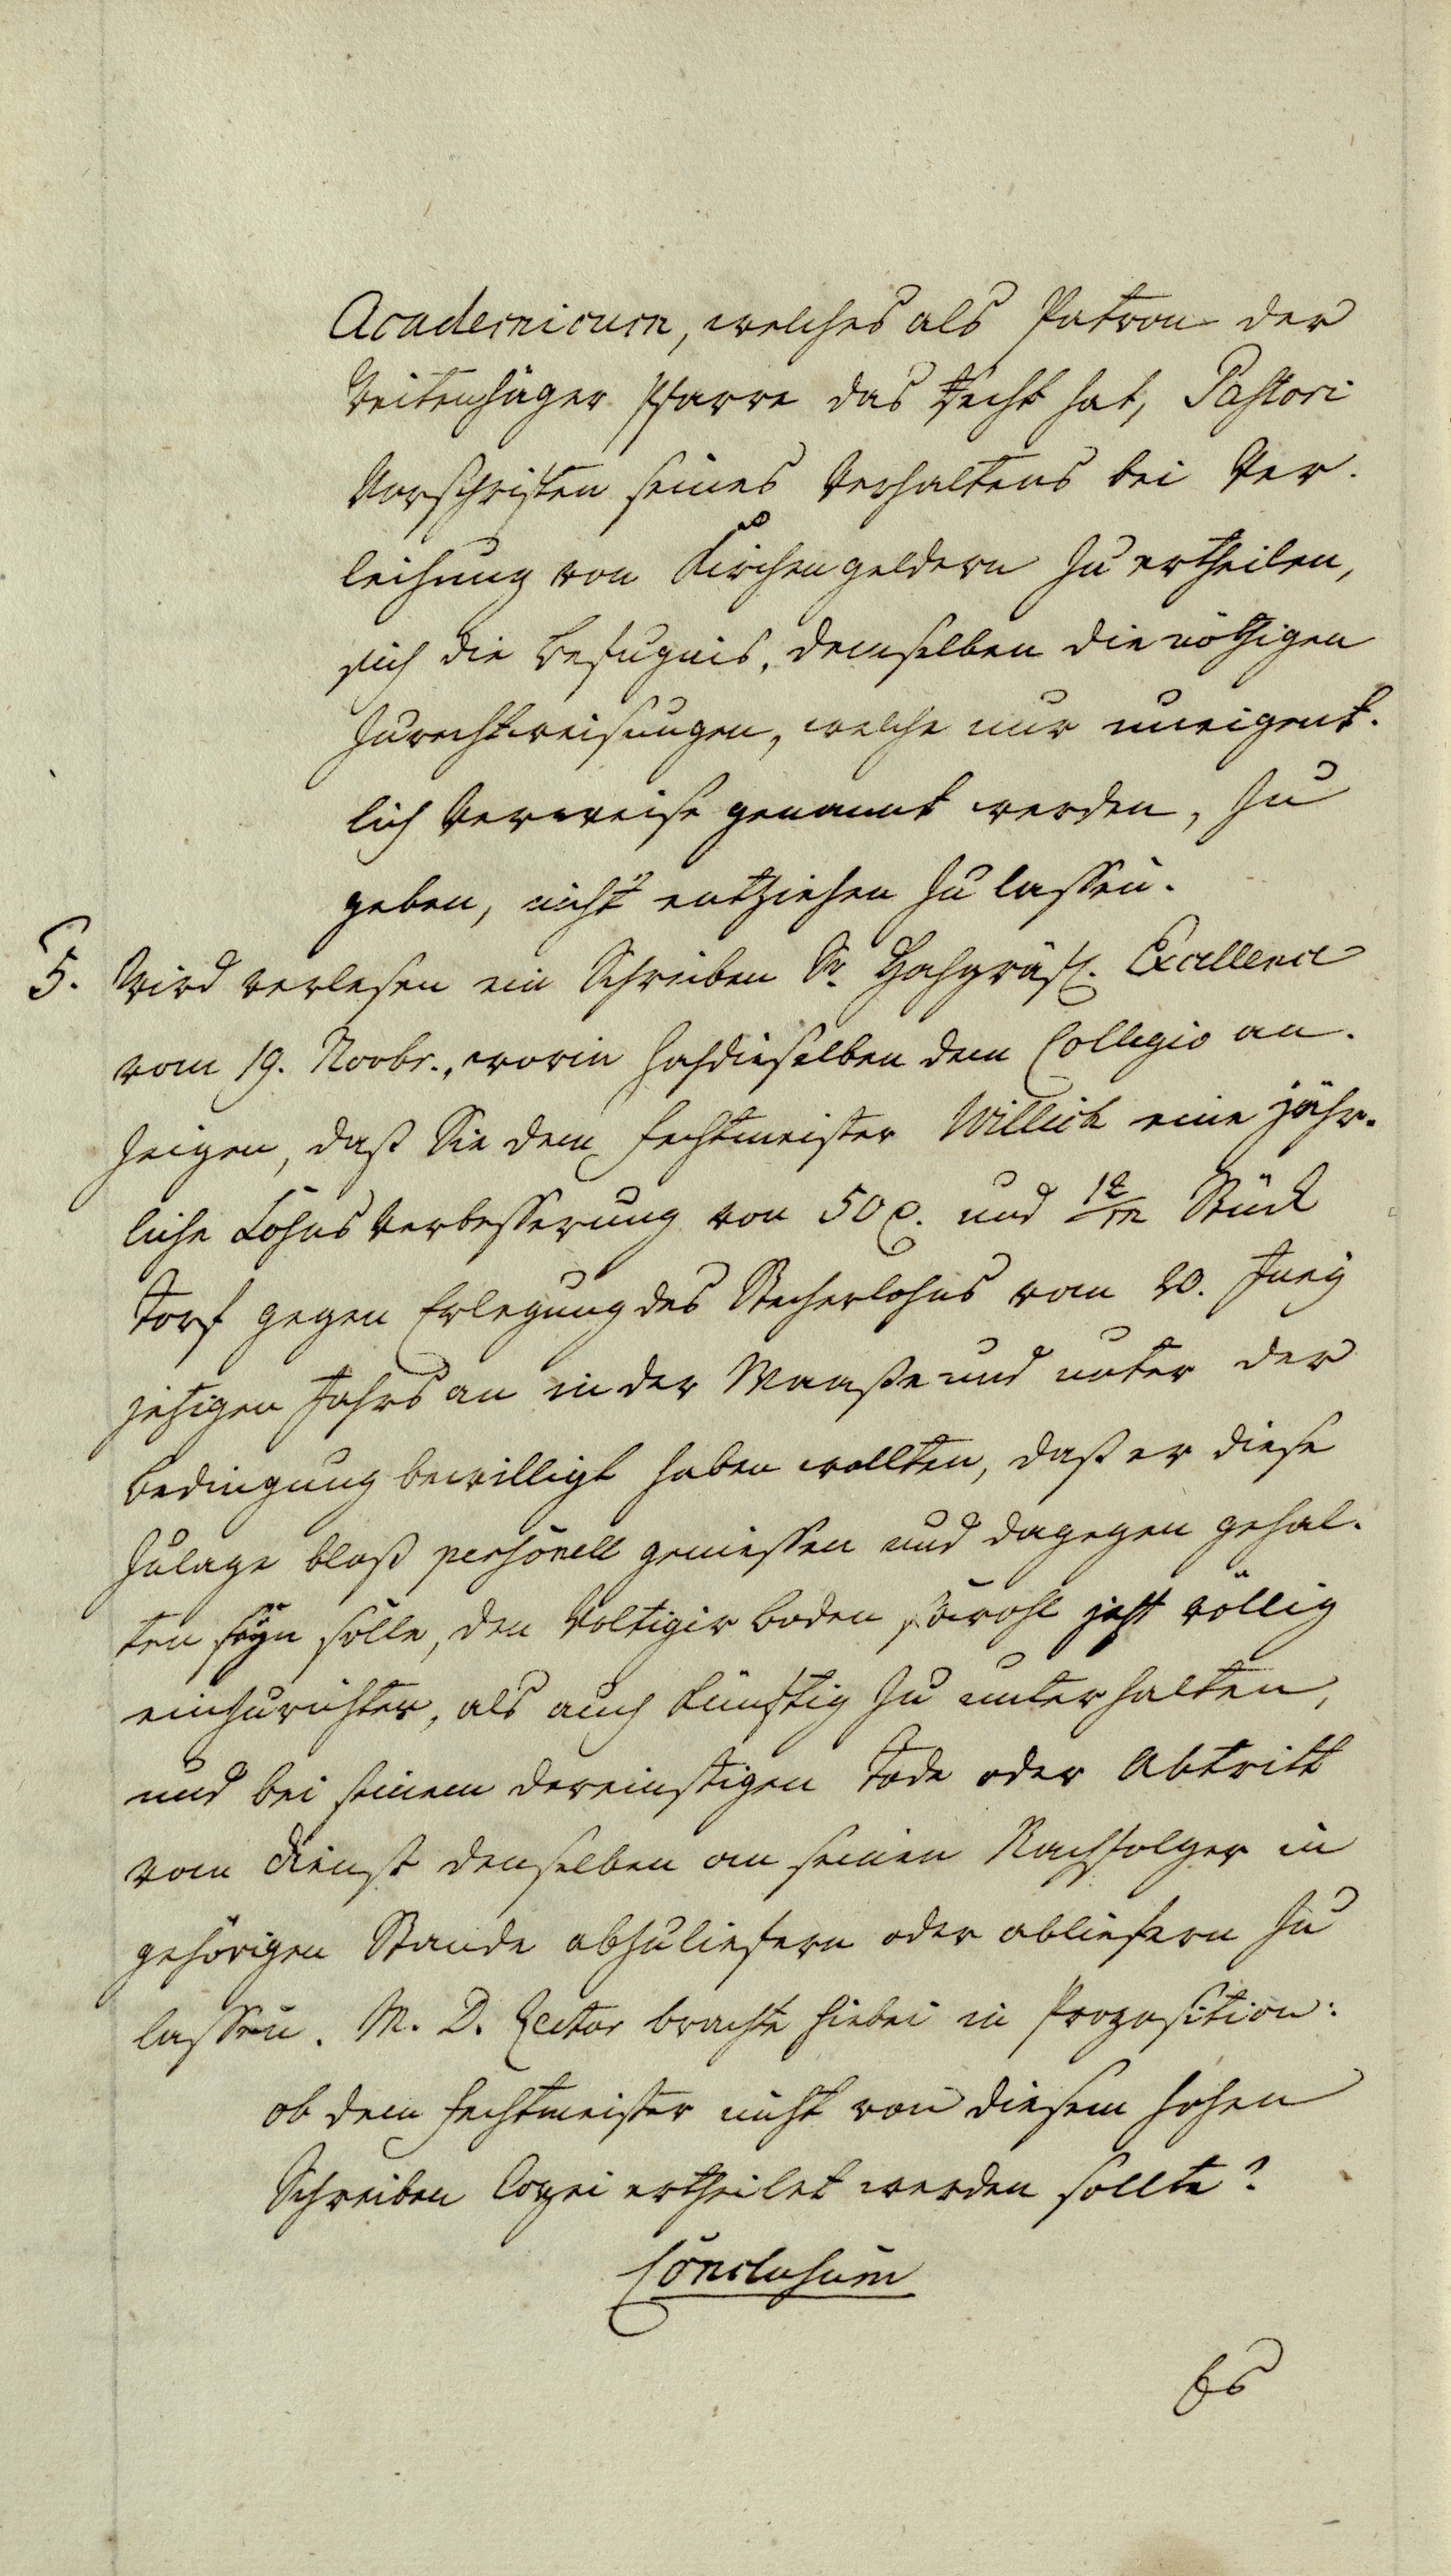Academicum, welches als Patron der
Weitenhäger Pfarre das Recht hat, Pastori
Vorschriften seines Verhaltens bei Ver¬
leihung von Kirchengeldern zu ertheilen,
sich die Befugnis, demselben die nöthigen
Zurechtweisungen, welche nur uneigent¬
lich Verweise genannt werden, zu
geben, nicht entziehen zu lassen.
5. Wird verlesen ein Schreiben Sr Hochgräfl. Excellence
vom 19. Novbr., worin hochdieselben dem Collegio an¬
zeigen, daß Sie dem Fechtmeister Willich eine jähr¬
liche Lohns Verbesserung von 50 l. und 12 Stück
Torf gegen Erlegung des Stecherlohns vom 20. Juny
jetzigen Jahres an in der Maaße und unter der
Bedingung bewilligt haben wollten, daß er diese
Zulage bloß personell geniessen und dagegen gehal-
ten seÿn solle, den Voltigir Boden sowohl jetzt völlig
einzurichter, als auch künftig zu unterhalten,
und bei seinem dereinstigen Tode oder Abtritt
vom Dienst denselben an seinen Nachfolger in
gehörigen Stande abzuliefern oder abliefern zu
lassen. M. D. Rector brachte hiebei in Proposition:
ob dem Fechtmeister nicht von diesem hohen
Schreiben Copei ertheilet werden sollte?
Conclusum
Es